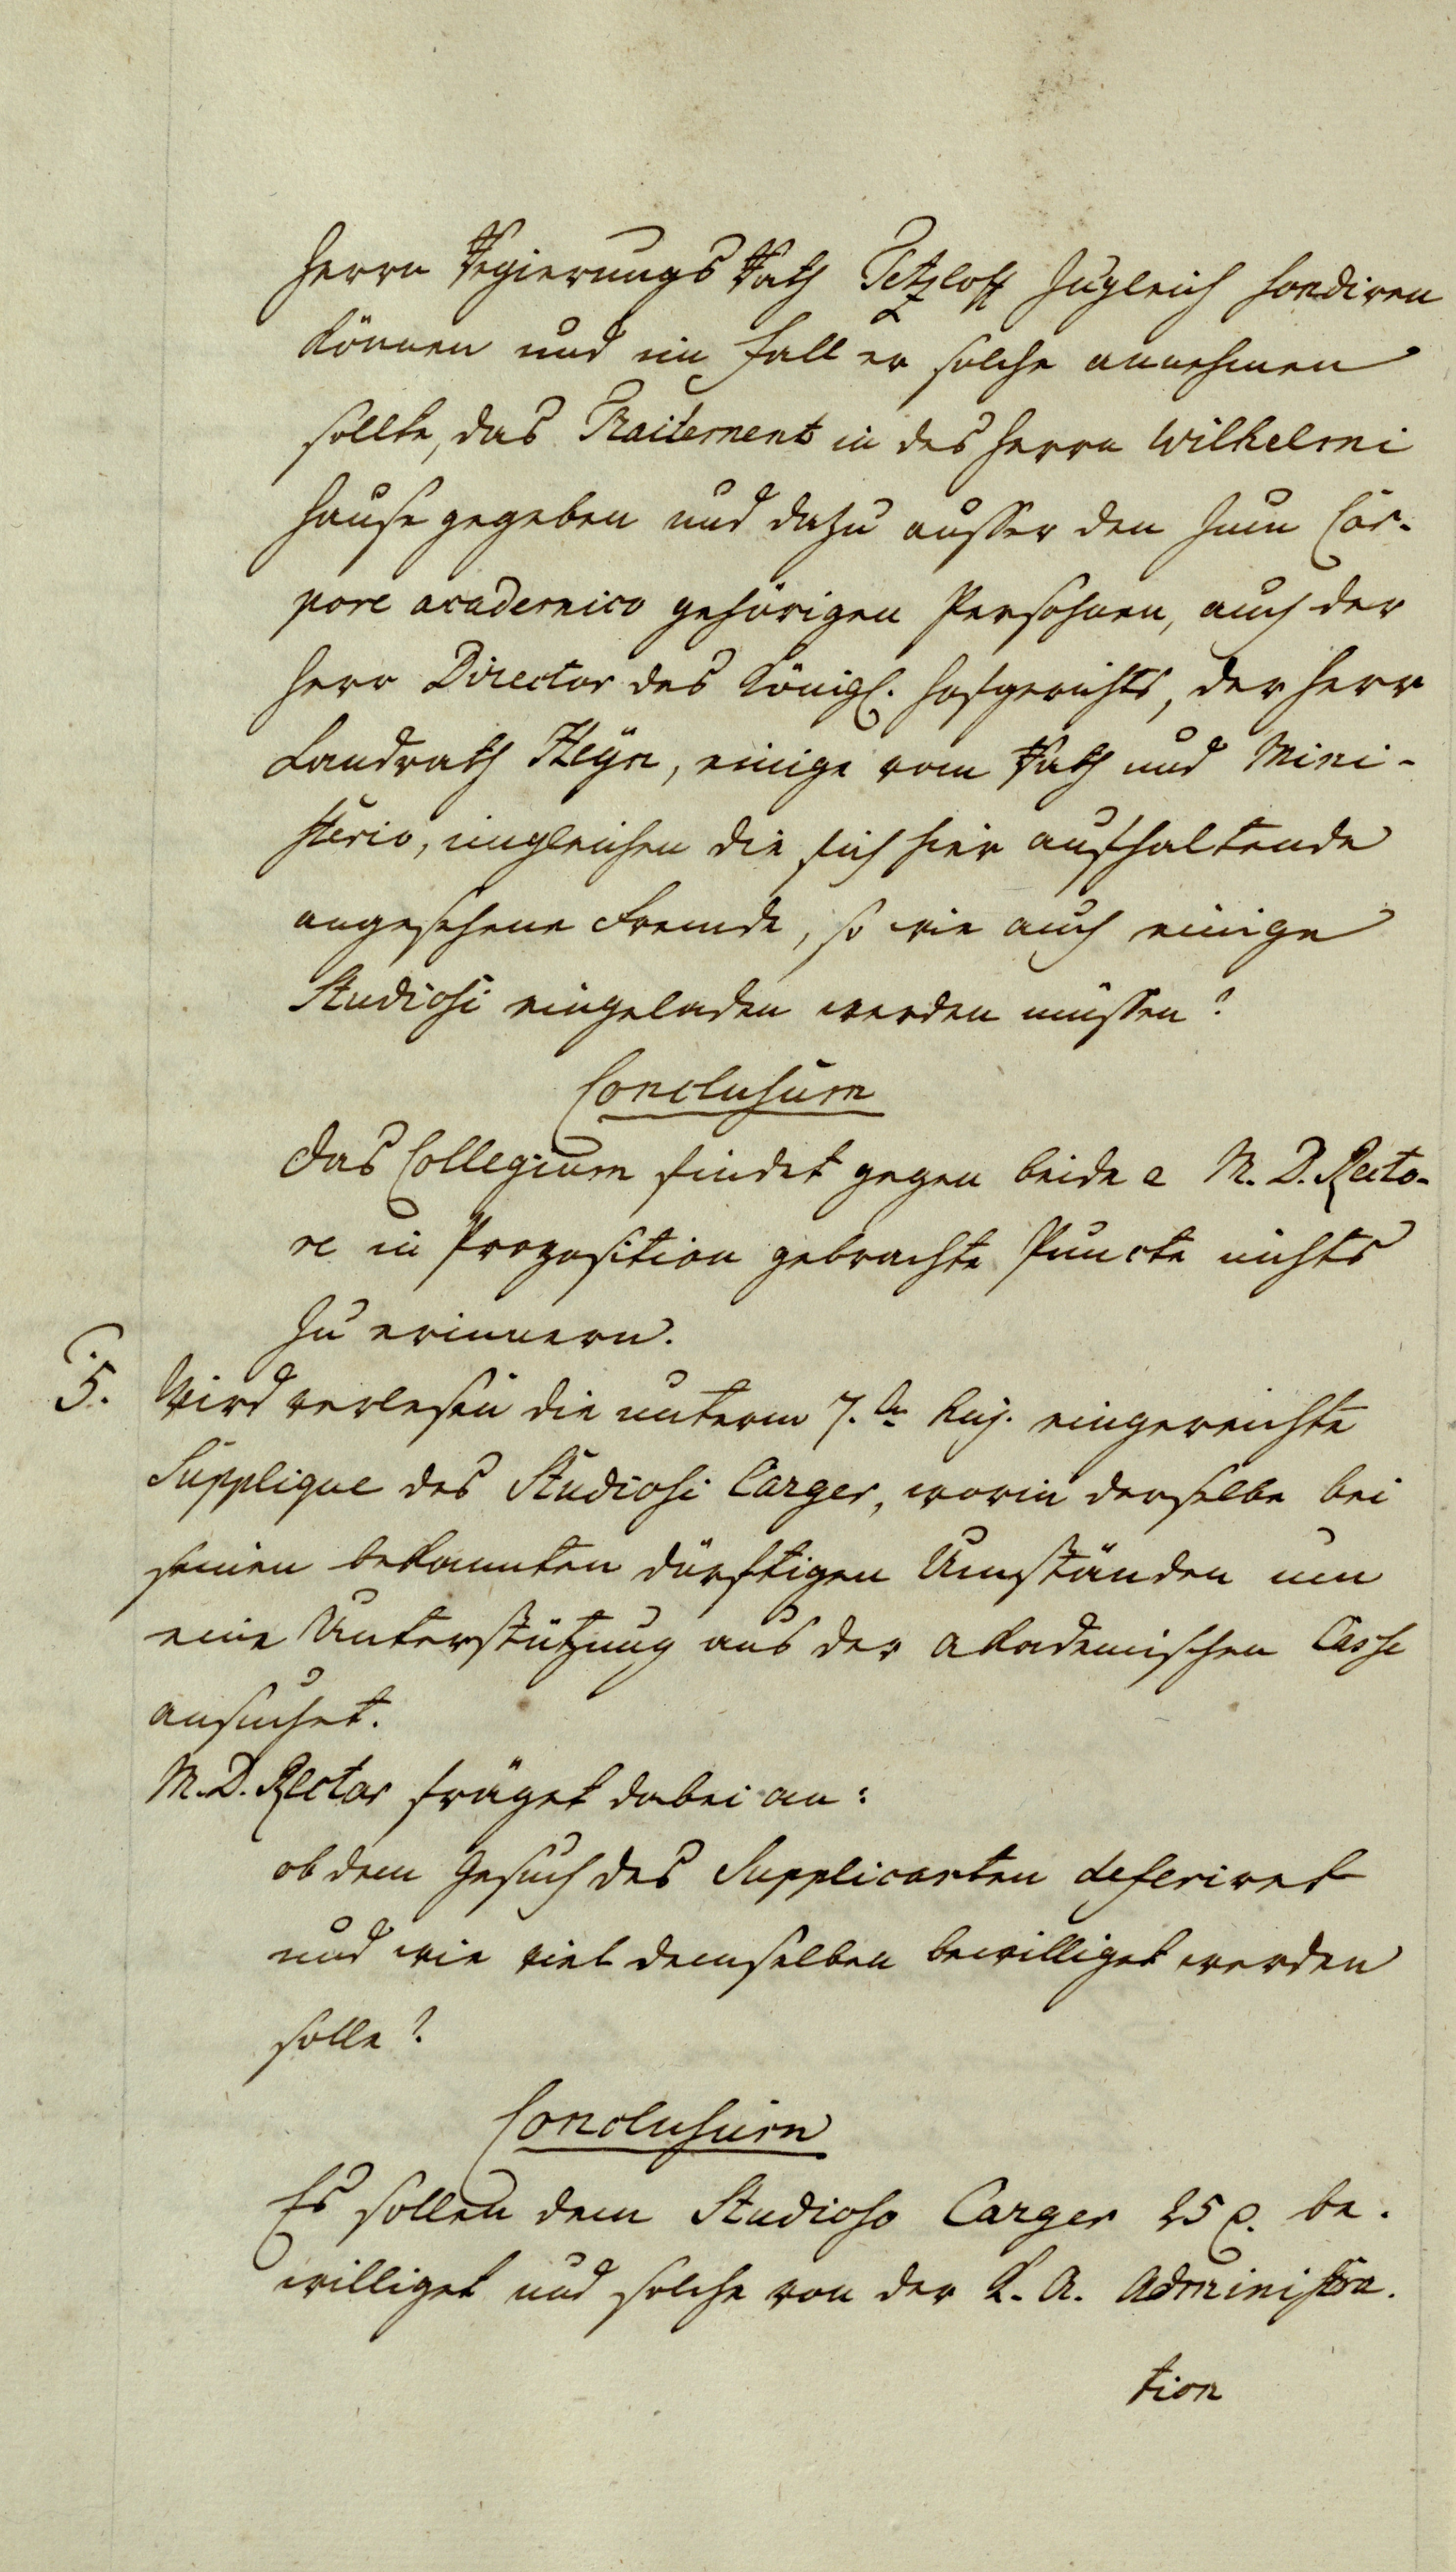Herrn Regierungs Rath Tetzloff zugleich sondiren
können und im Fall er solche annehmen
sollte, das Traitement in des Herrn Wilhelmi
Hause gegeben und dazu ausser den zum Cor¬
pore academico gehörigen Persohnen, auch der
Herr Director des Königl. Hofgerichts, der Herr
Landrath Heÿn, einige vom Rath und Mini¬
sterio, imgleichen die ich hier aufhaltende
angesehene Fremde, so wie auch einige
Studiosi eingeladen werden müssen?
Conclusum
Das Collegium findet gegen beide a M. D. Recto¬
re in Proposition gebrachte Puncte nichts
zu erinnern.
5. Wird verlesen die unterm 7. ten huj. eingereichte
Supplique des Studiosi Carger, worin derselbe bei
seinen bekannten dürftigen Umständen um
eine Unterstützung aus der akademischen Casse
ansuchet.
M. D. Rector fräget dabei an:
ob dem Gesuch des Supplicanten deferiret
und wie viel demselben bewilliget werden
solle?
Conclusum
Es sollen dem Studioso Carger 25 l. be¬.
williget und solche von der K. A. Administra¬
tion